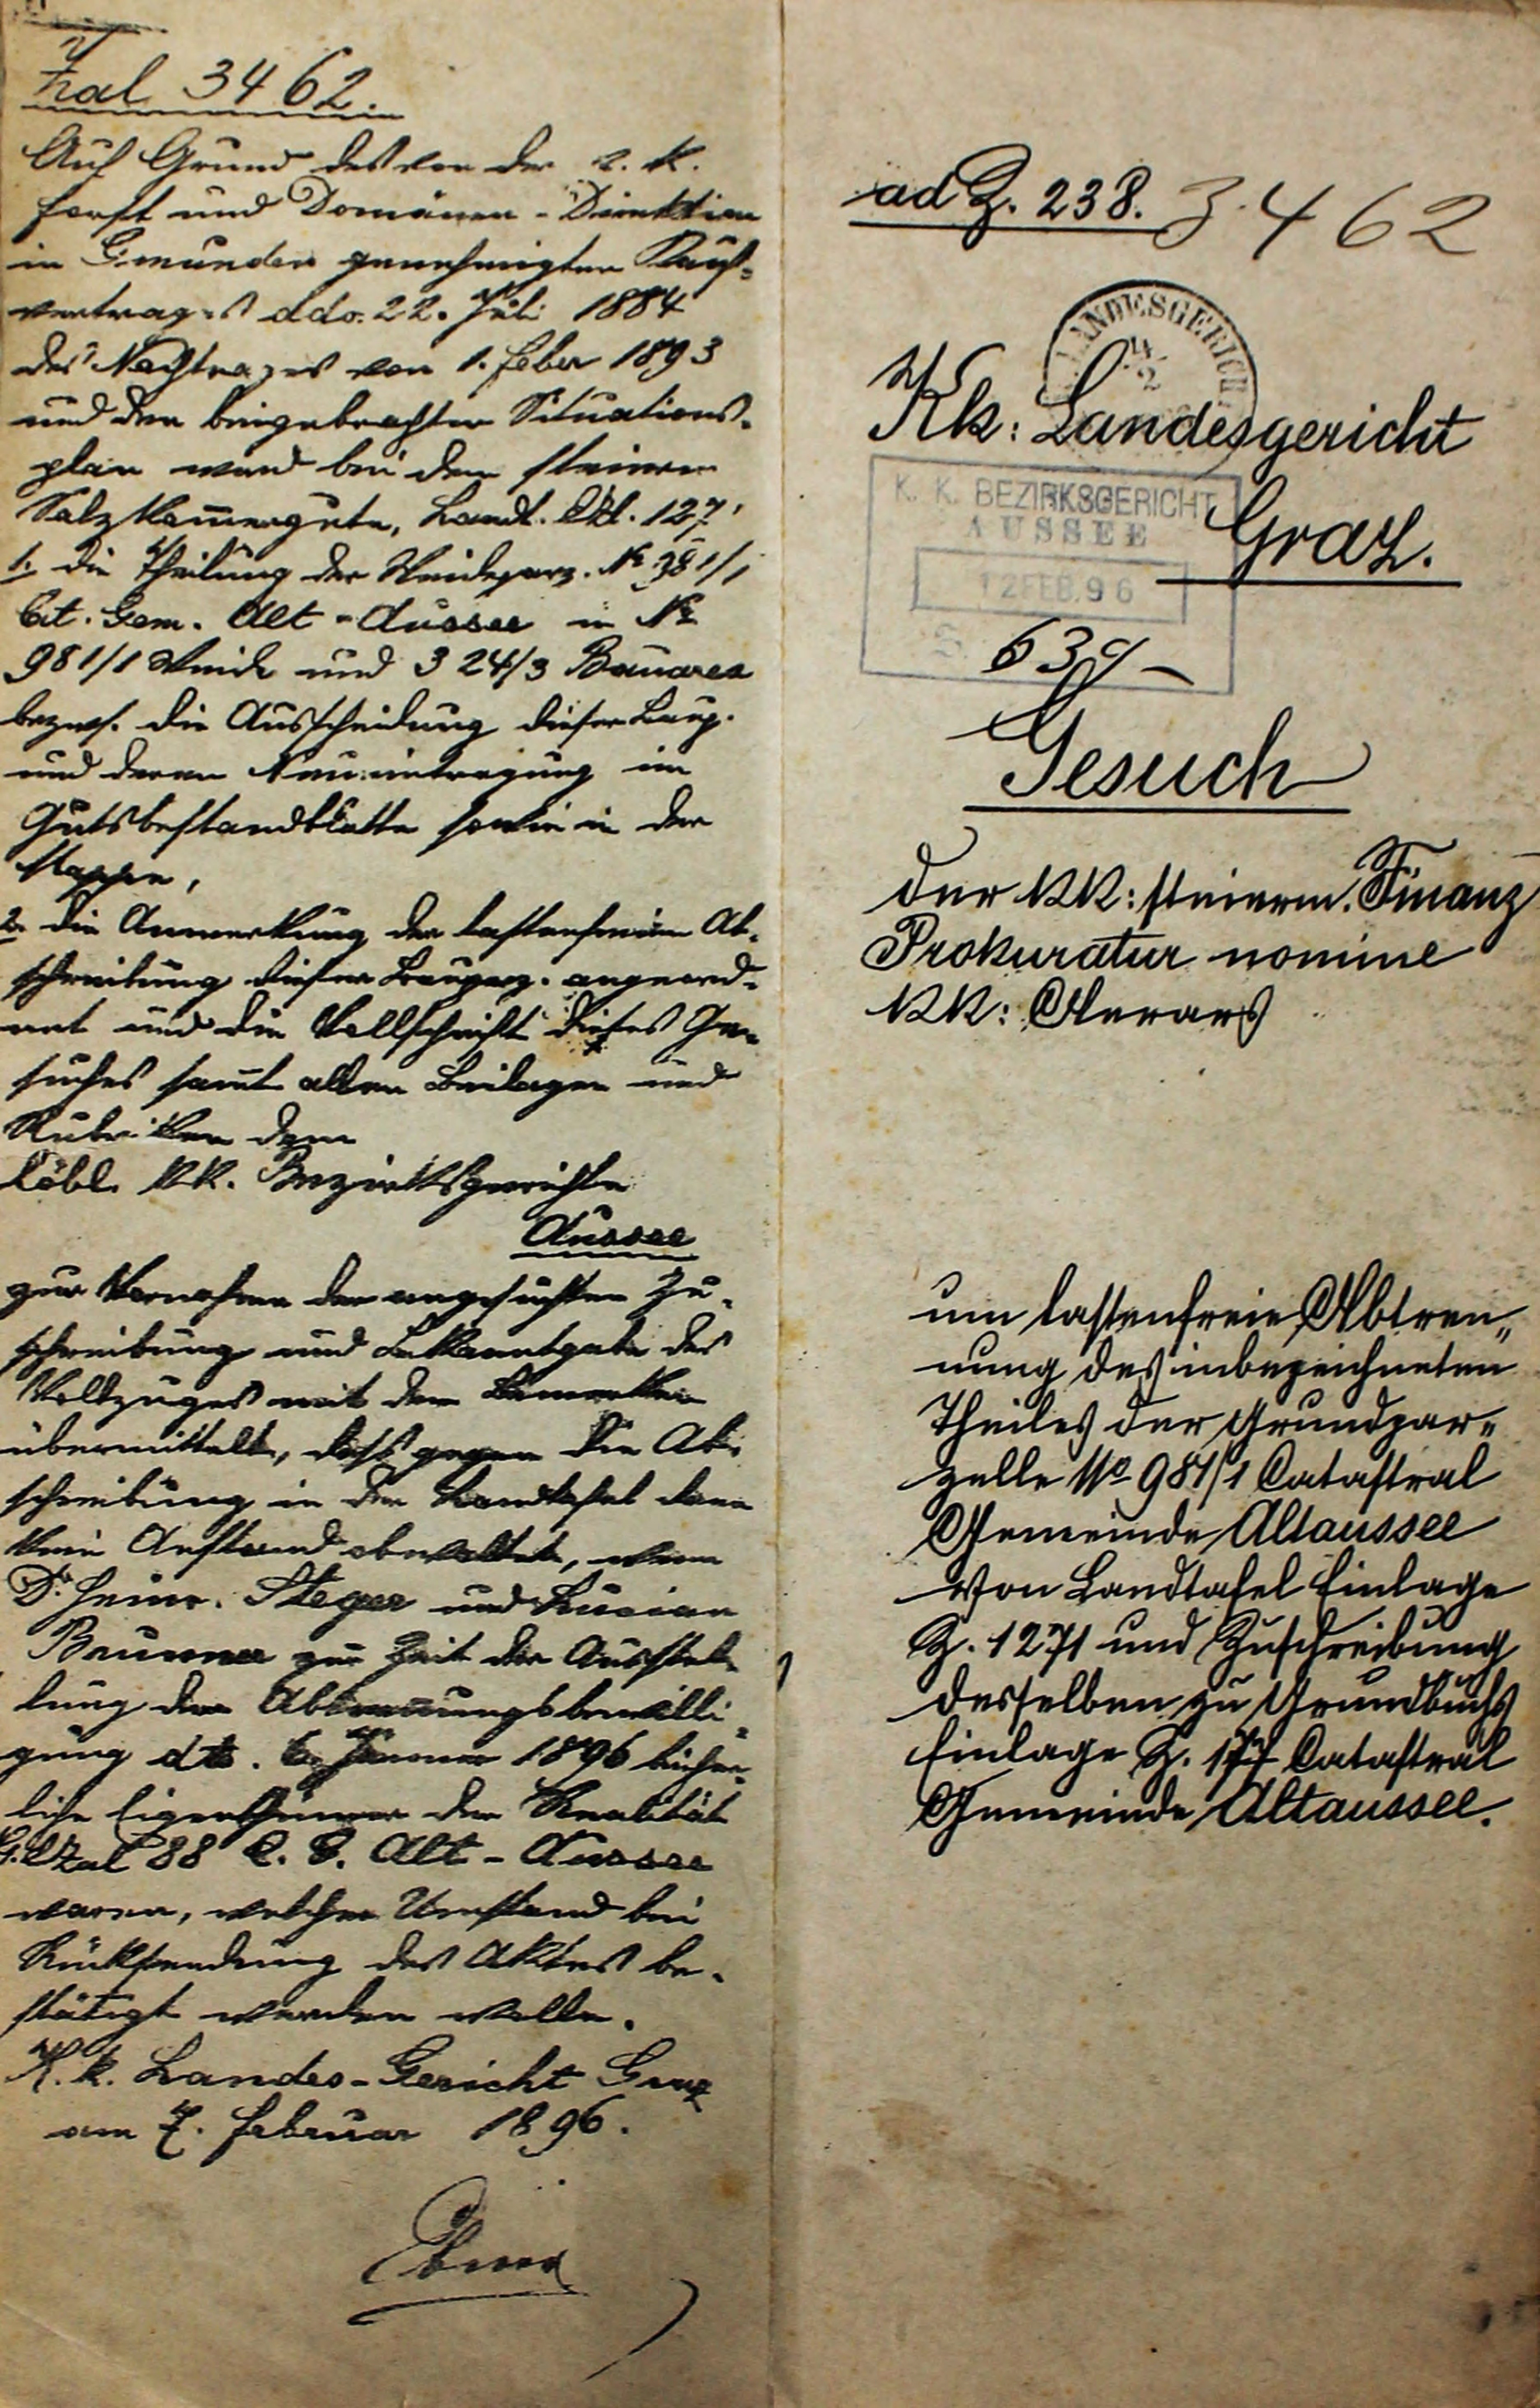Zal 3462.
Auf Grund des von der k.k.
Forst und Domänen - Direktion
in Gmunden genehmigten Kauf=
vertrages ddo. 22. Juli 1884
des ? Nachtrages von 1. Feber 1893
und den beigebrechten Situations=
plan wand beiden steinen
Salzkammergute, Landl. Ub. 127
1. Die Theilung der Weidepars No 381/1
bit. Gem. Alt - Aussee in No
981/1 Weide und 324/3 Bauarea
bezech. Die Ausscheidung diesen Baup.
und deren Neueintragung im
Gutsbestandblatte sowie in der
Kappe,
2. Die Anmerkung der lastenfreien Ab=
schreibung diesen Bauparz. angeord=
net und die Vollschrift dieses Ge=
suches sammt allen Beilagen und
Rubriken dem
löbl. kk. Bezirksgerichte
Aussee
zur Vornahme den angesuchten Zu„
schreibung und Bekanntgabe des
Vollzuges mit dem Benennken
übermittelt, dass gegen die Ab„
schreibung in der Landtafel dann
kein Anstand obwaltet, denen
Dr. Heinr. Steger und Lucian
Brunner zur Zeit der Ausstel„
lung dem Abtrennungsbewilli=
gung dto. 6. Jänner 1896 buchen=
liche Eigenthumer den Realität
G.d Zal 88 C.G. Alt - Aussee
waren, welchen Umstand bei
Rückfandung des Aktes be=
stätigt werden wallen.
k.k. Landes - Gericht Graz
am 7. Februar 1896.
Ebned
ad Z. 238. 3462
Kk: Landesgericht
K. K. BEZIRKSGERICHT
AUSSEE
Graz.
12 FEB. 96
Z. 639
Gesuch
der kk: steierm. Finanz
Prokuratur nomine
kk: Aerars
um lastenfreie Abtren„
nung des inbezeichneten
Theiles der Grundpar„
zelle No 981/1 Catastral
Gemeinde Altaussee
von Landtafel Einlage
Z. 1271 und Zuschreibung
desselben zu Grundbuchs
Einlage Z. 177 Catastral
Gemeinde Altaussee.